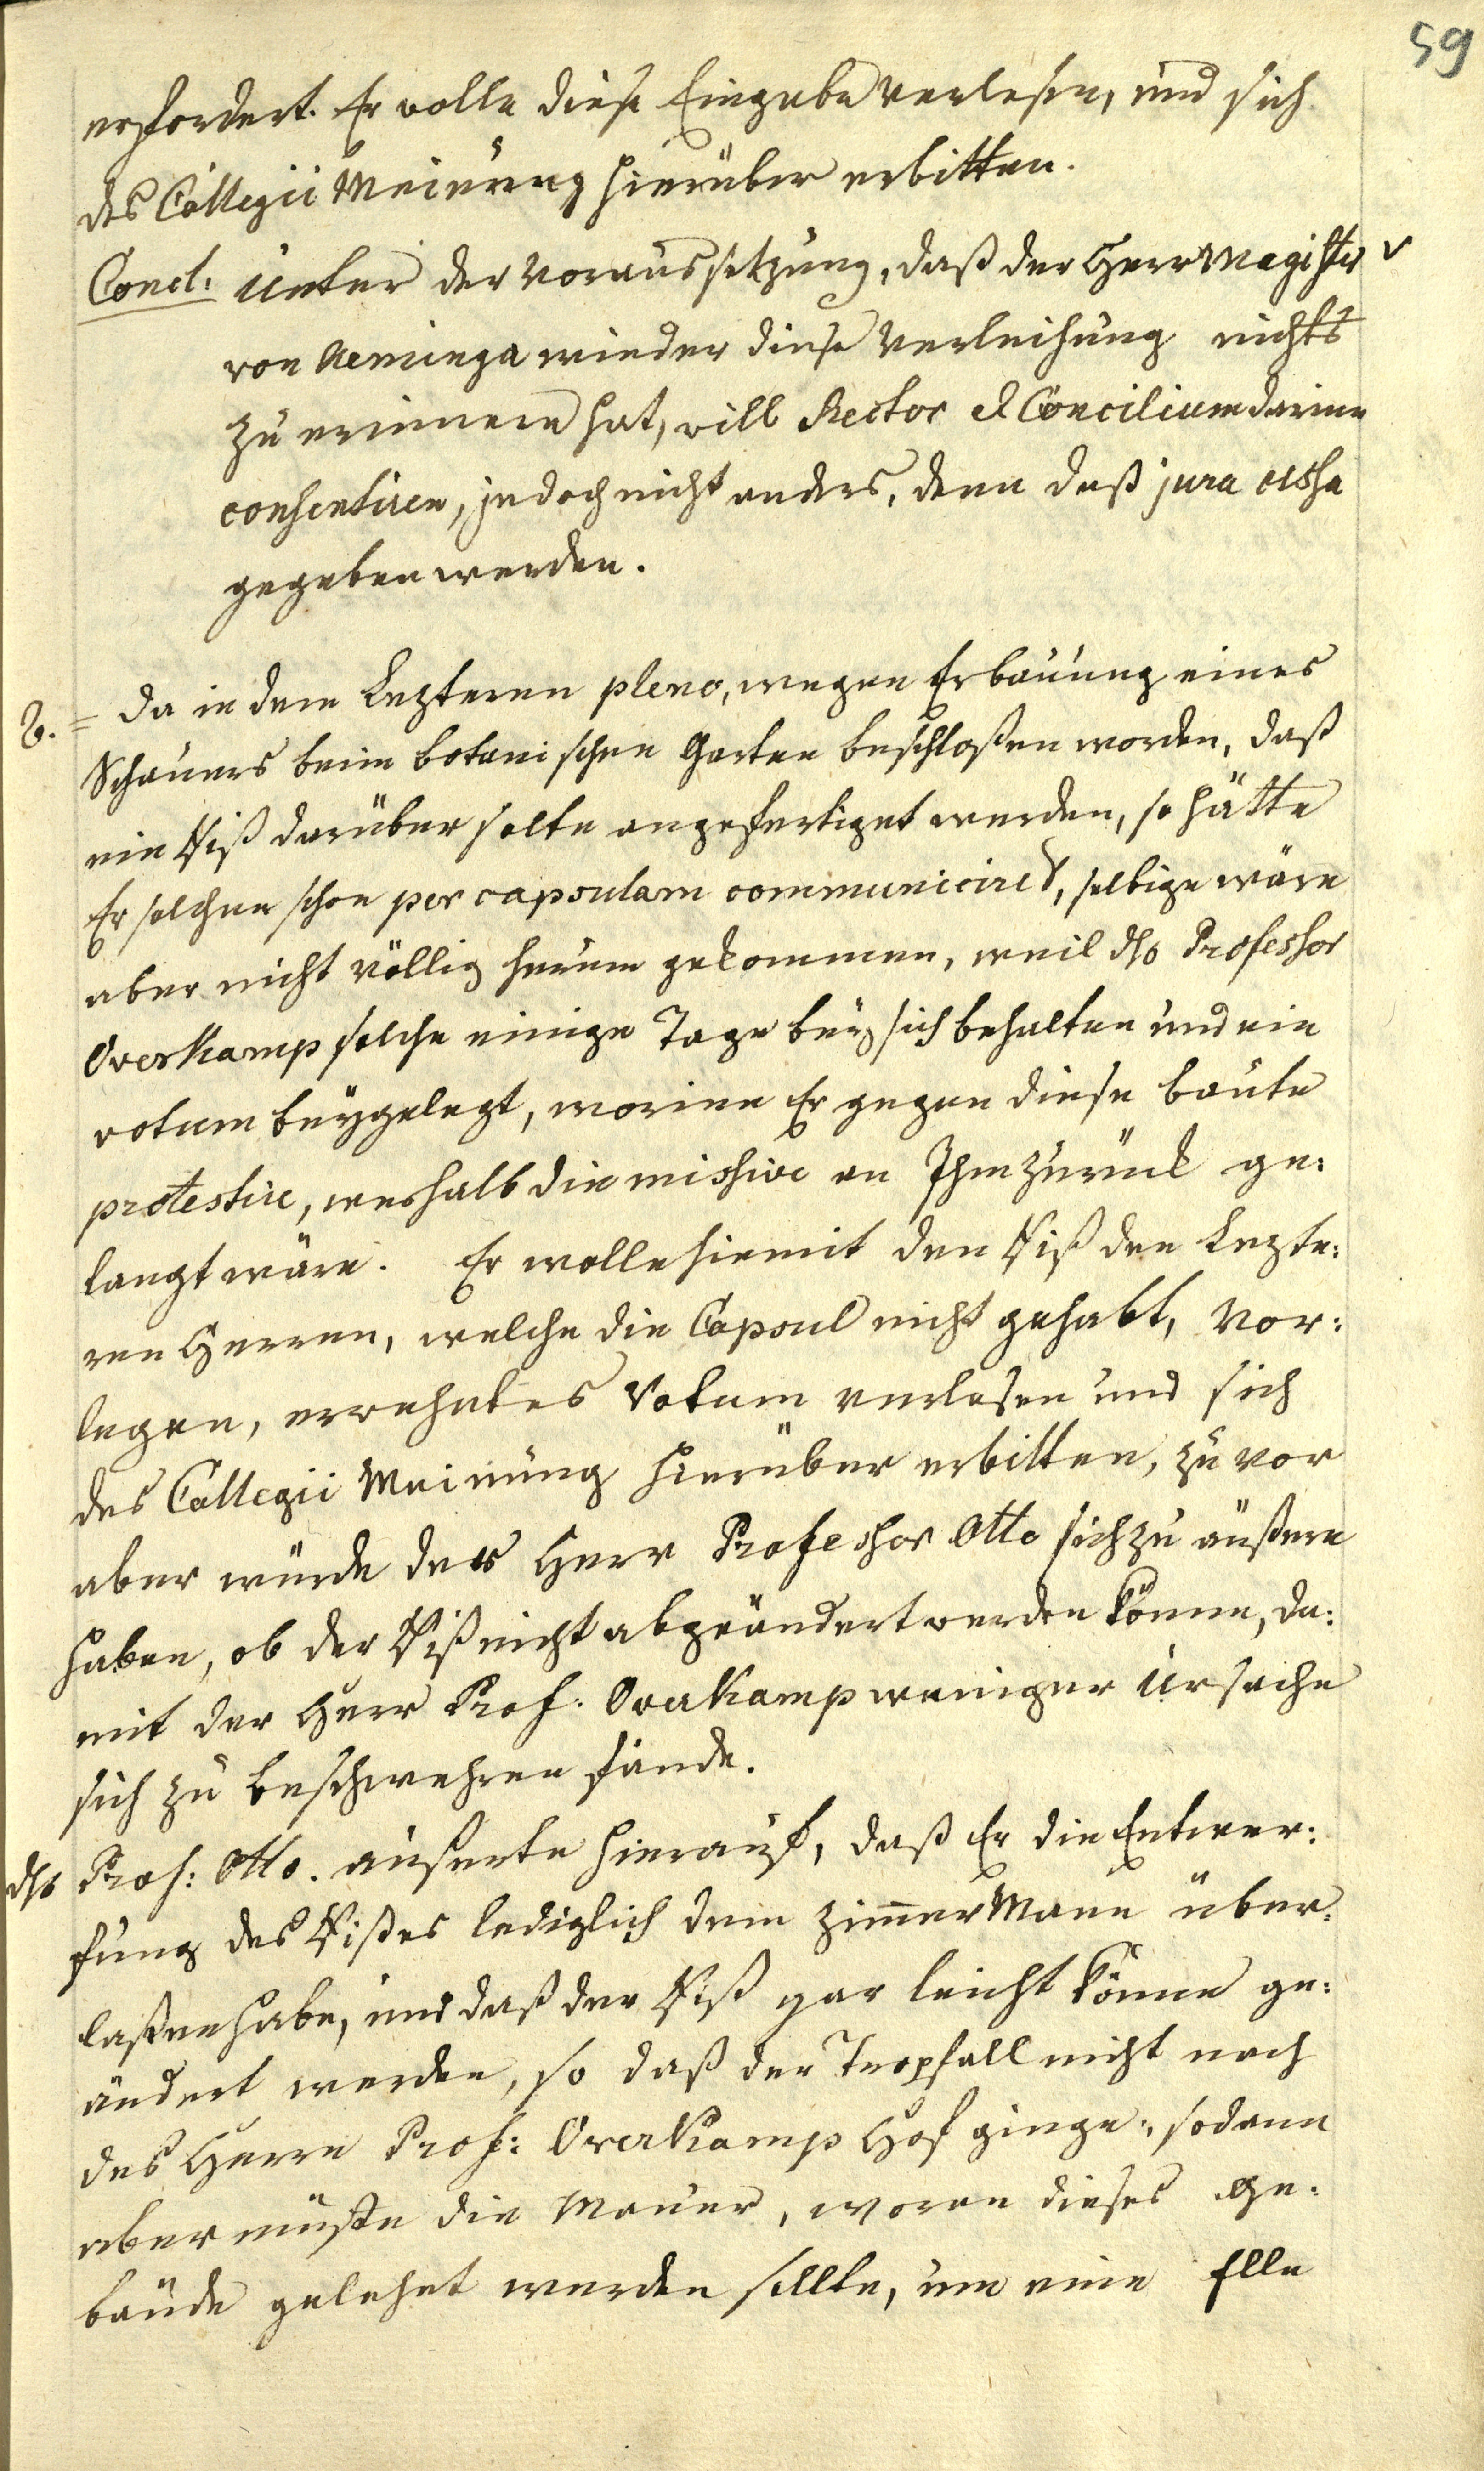erfordert. Er wolle diese Eingabe verlesen, und sich
des Collegii Meinung hierüber erbitten.
Concl. Unter der Voraussetzung, daß der Herr magister
von Aeminga wieder diese Verleihung nichts
zu erinnern hat, will Rector et Concilium darinn
consentiren, jedoch nicht anders, denn daß jura cessa
gegeben werden.
8. Da in dem Lezteren pleno, wegen Erbauung eines
Schauers beim Botanischen Garten beschloßen worden, daß
ein Riß darüber solte angefertiget werden, so hätte
Er solchen schon per capsulam communiciret, selbige wäre
aber nicht völlig herum gekommen, weil dh Professor
Overkamp solche einige Tage beÿ sich behalten und ein
votum beÿgelegt, worin Er gegen diese Baute
protestire, weshalb die missive an Ihm zurück ge¬
langt wäre. Er wolle hiemit den Riß den lezte¬
ren Herren, welche die Capsul nicht gehabt, vor¬
legen, erwehntes votum verlesen und sich
des Collegii Meinung hierüber erbitten, zu vor
aber würde der Herr Professor Otto sich zu äußern
haben, ob der Riß nicht abgeändert werden könne, da¬
mit der Herr Prof. Overkamp weniger Ursache
sich zu beschwehren fände.
dh Prof. Otto. äußerte hierauf, daß Er die Entwer¬
fung des Rißes lediglich dem Zimmer Mann über¬
laßen habe, und daß der Riß gar leicht könne ge¬
ändert werden, so daß der Tropfall nicht nach
des Herrn Prof. Overkamp Hof ginge, sodann
über müste die Mauer, woran dieses Ge¬
bäude gelehnt werden sollte, um eine Elle